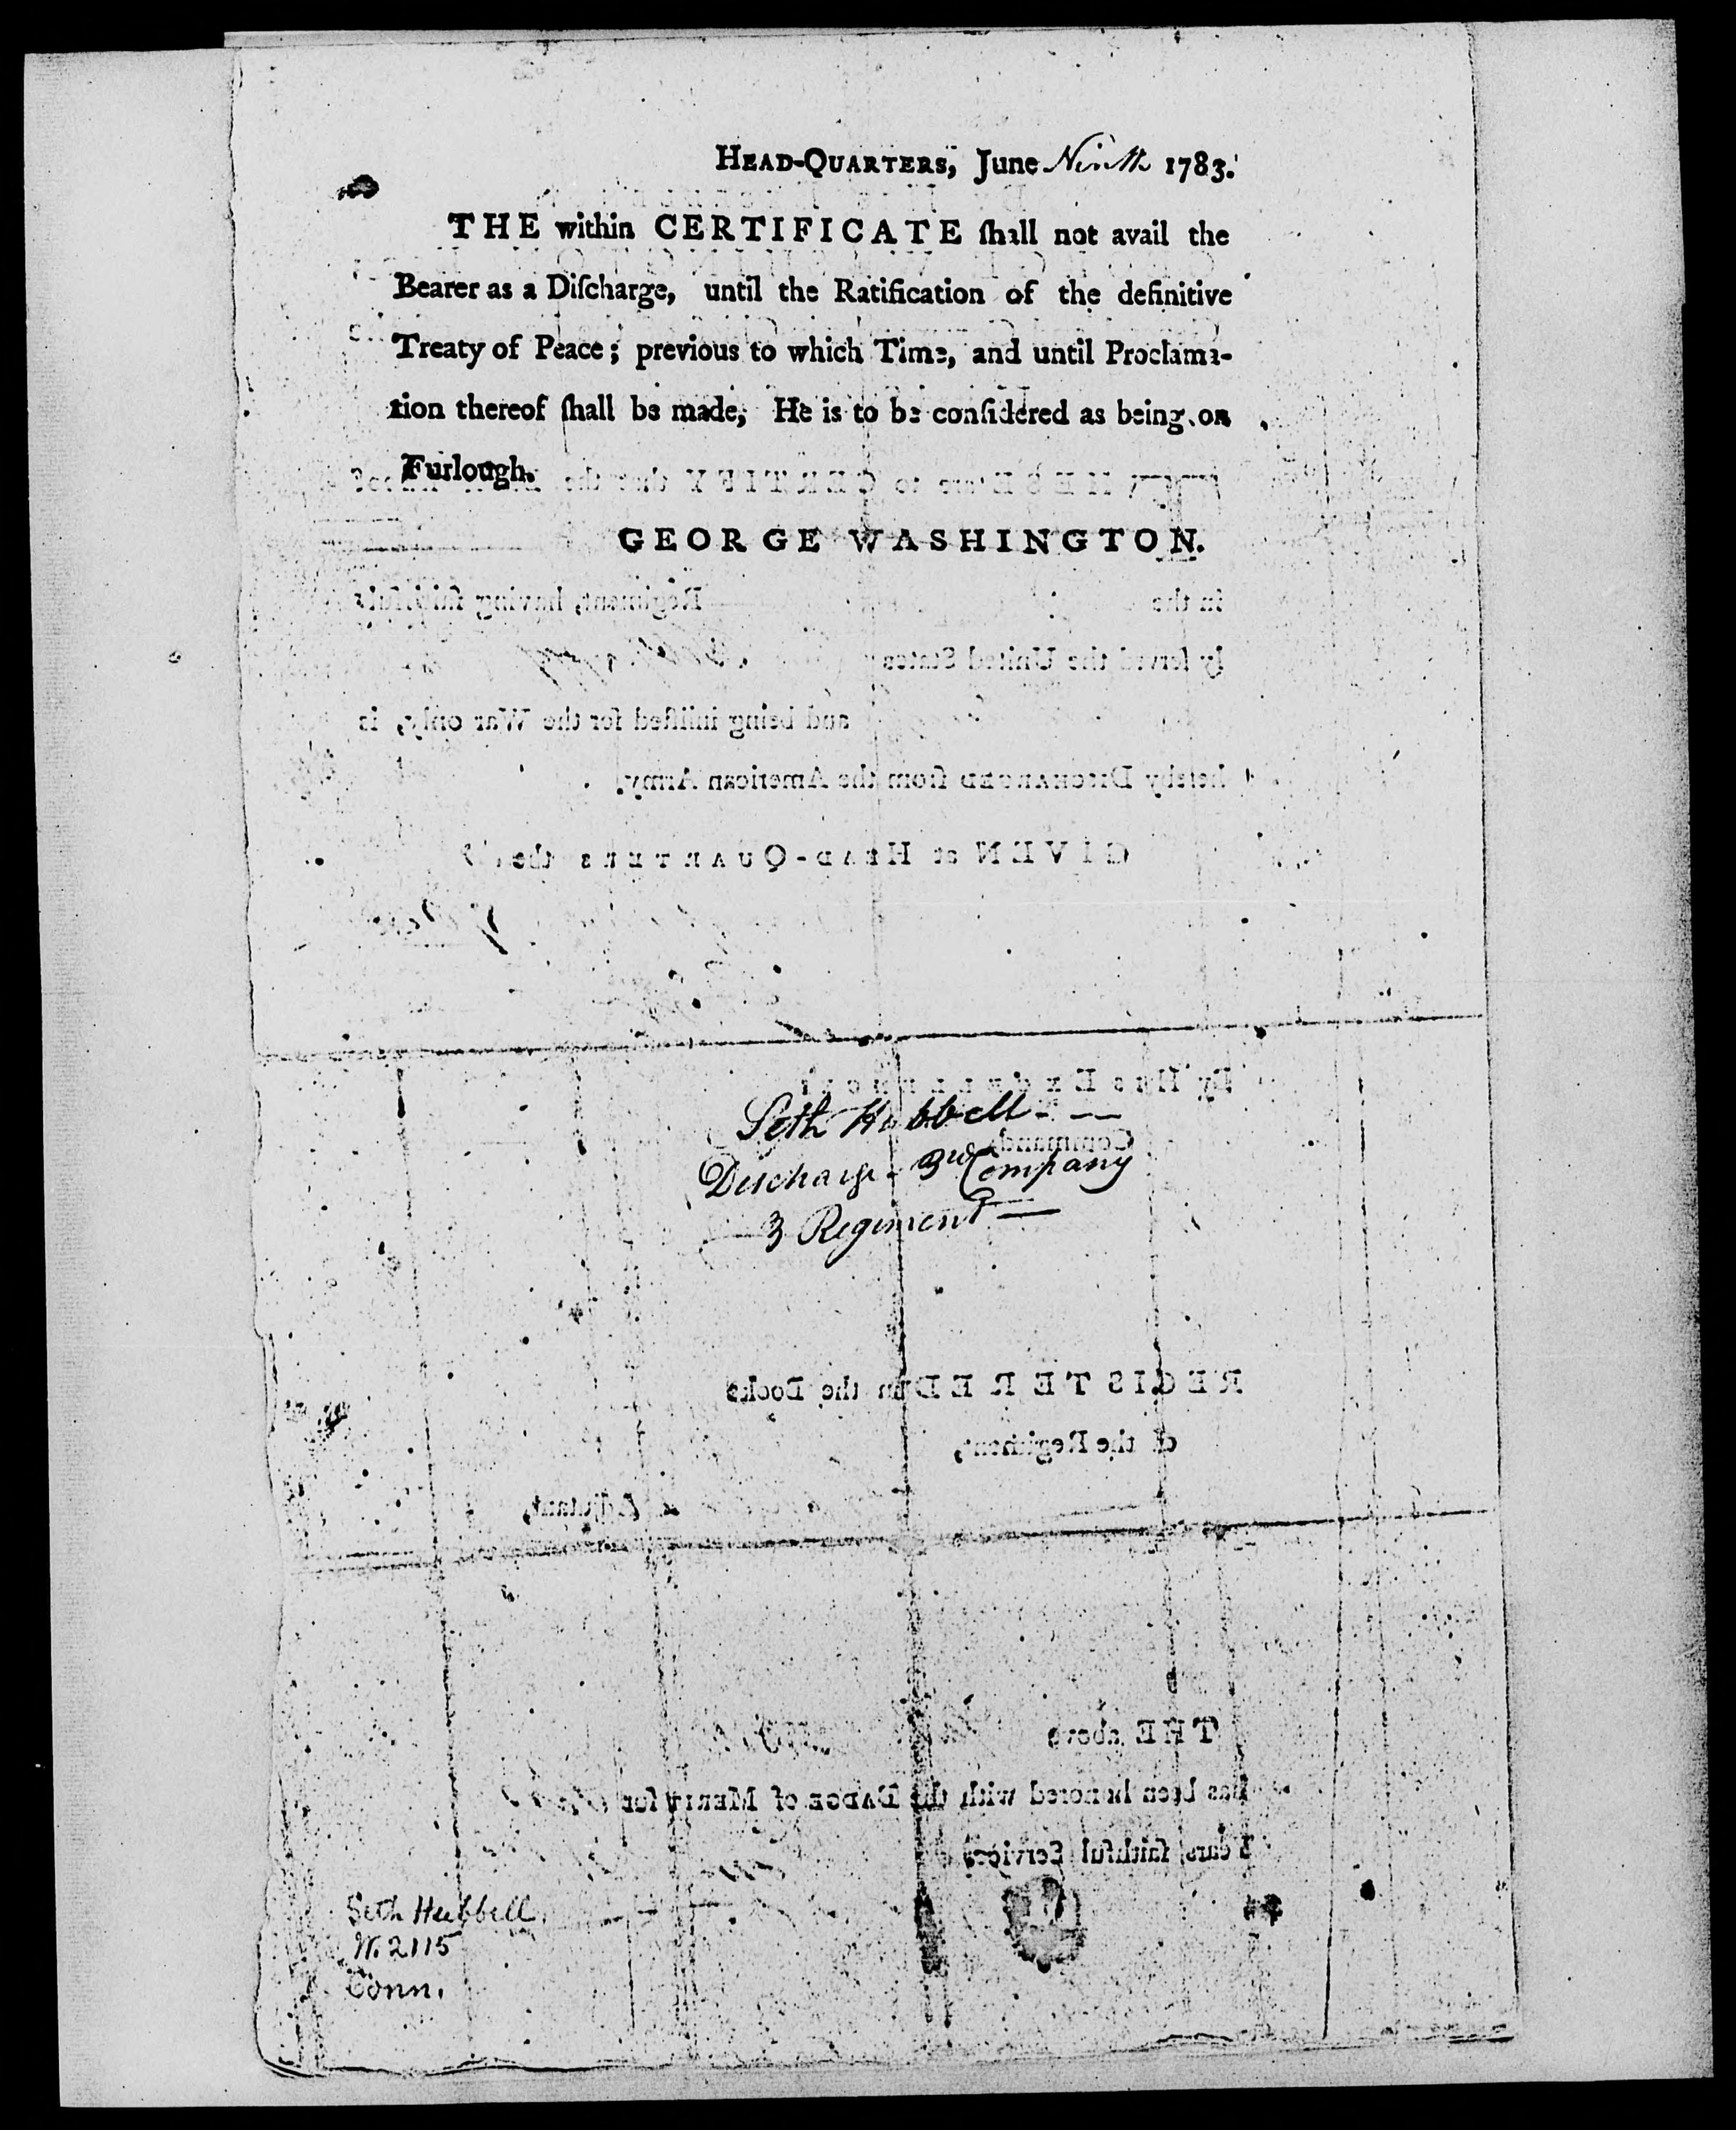Head-Quarters, June Ninth 1783.
The within certificate shall not avail the Bearer as a Discharge, until the Ratification of the definitive Treaty of Peace; previous to which Time, and until Proclamation thereof shall be made, He is to be considered as being on Furlough.

George Washington.

Seth Hubbell
Discharge gwCompany
3 Regiment

Seth Hubbell
W. 2115
Conn.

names: George Washington, Seth Hubbell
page: 50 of 114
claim: widow's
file: W. 2115, Seth Hubbell, Conn.